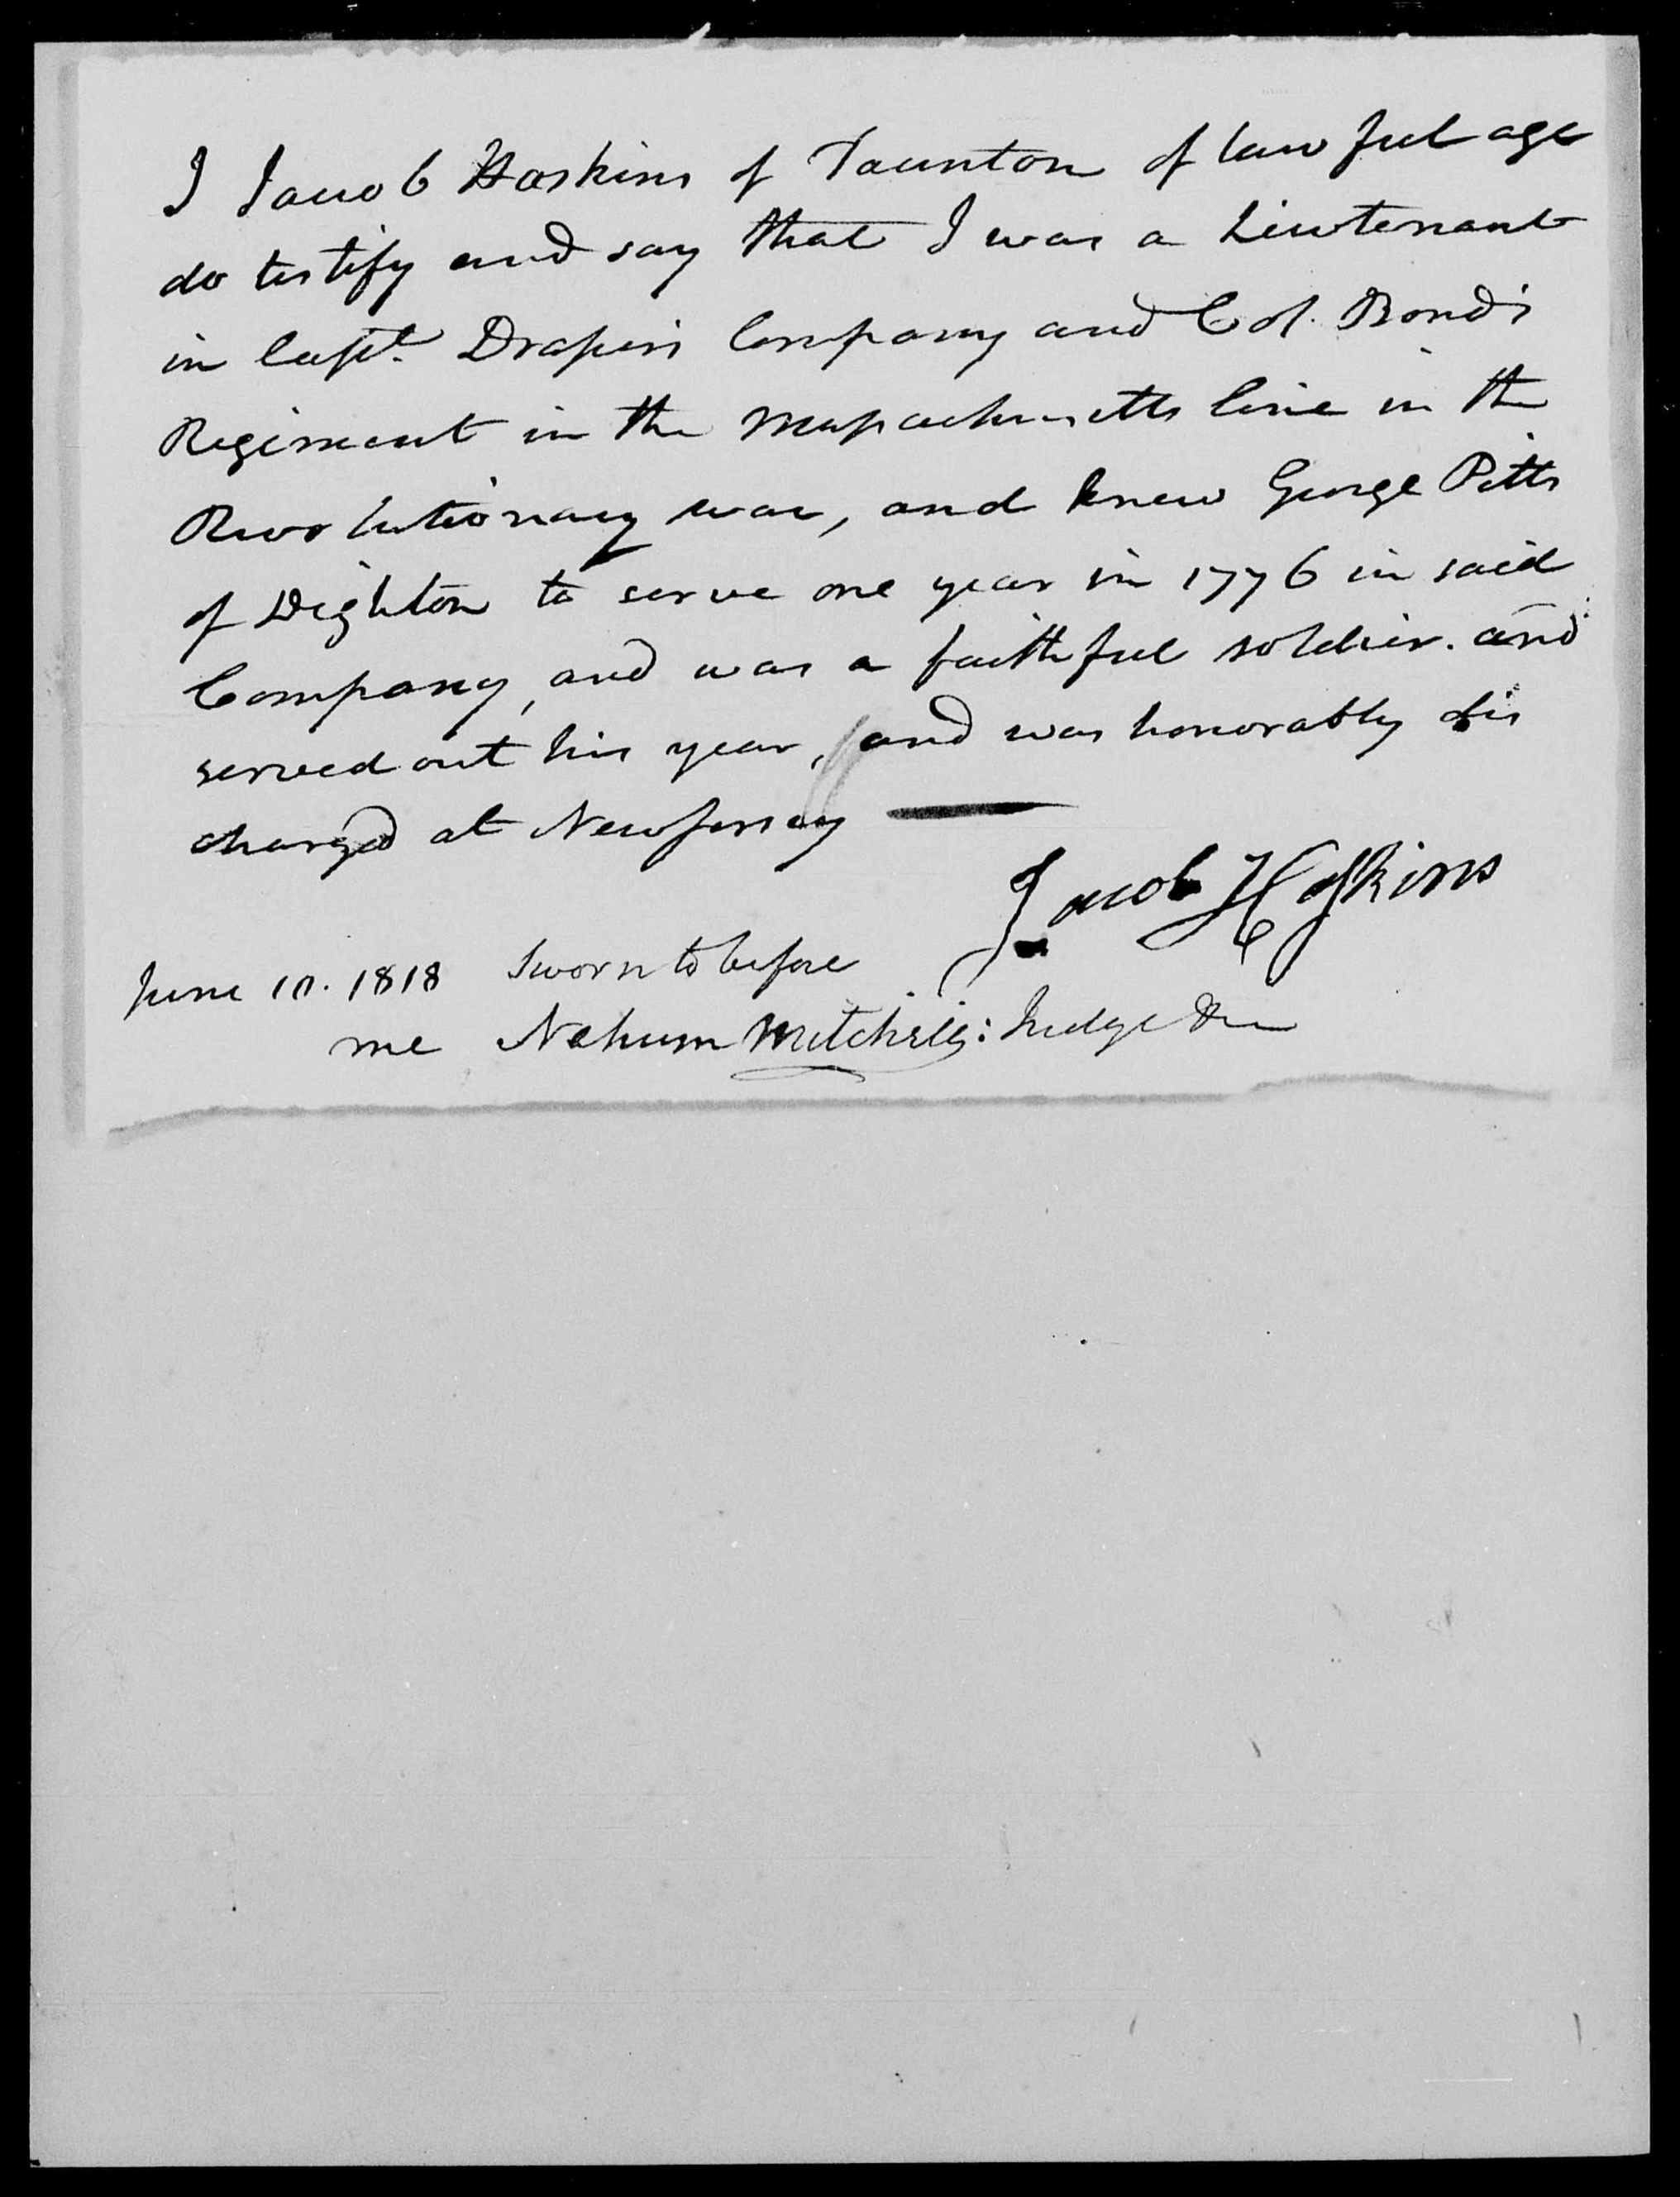I Jacob C Haskins of Taunton of lawful age
do testify and say that I was a Lieutenant
in Capt Draper Company and Col Bond's
Regiment in the Massachusetts line in the
Revolutionary war, and knew George Pitts
of Dighton to serve one year in 1776 in said
Company and was a faithful soldier and
served out his year and was honorably discharged at New Jersey. 
[signed]
Jacob Haskins
---
June 10. 1818
Sworn to before
me  Nahum Mitchell Judge &c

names: George Pitts; Jacob Haskins; Nahum Mitchell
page: 25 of 54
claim: widow's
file: W. 26,897, for George Pitts, Massachusetts